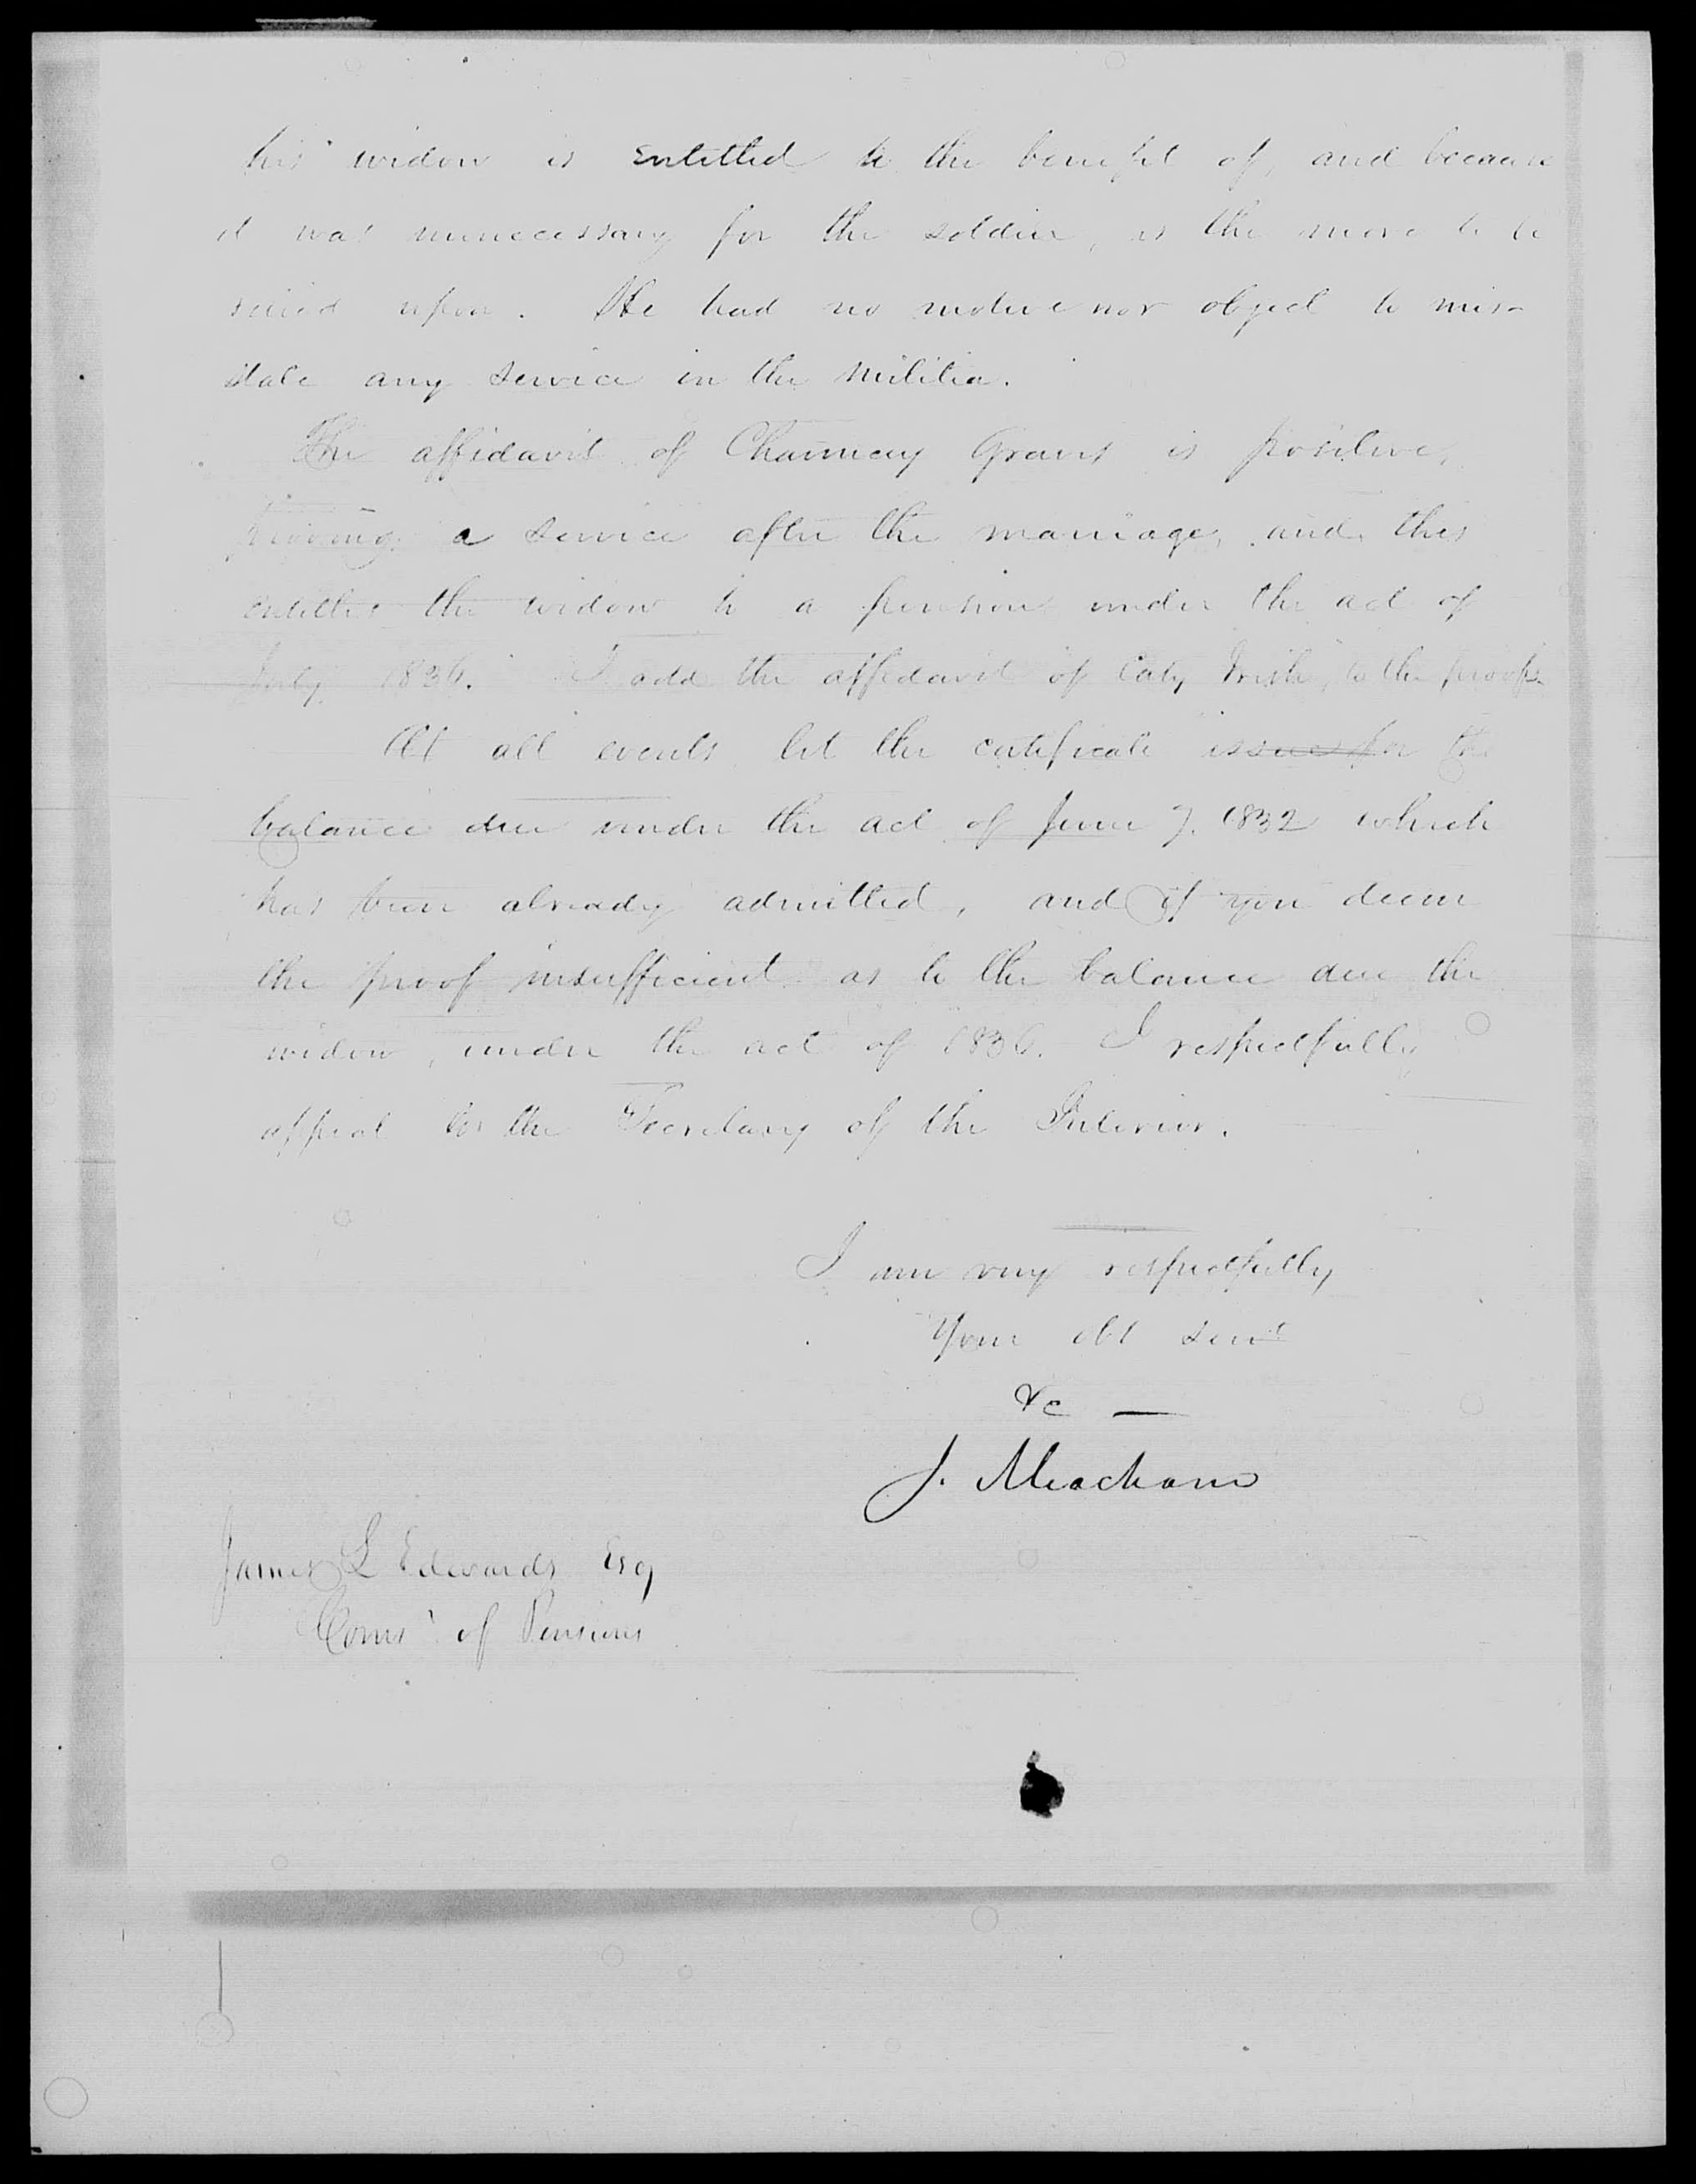his widow is entitled to the benefit of and because it
was unnecessary for the soldier, as the [more] to be
said upon. He had no motive nor object to mis-state any service in the militia.
The affidavit of Chancey Grant is positive,
proving a service after the marriage, and this
entitles the widow to a pension under the act of
July 1836. I add the affidavit of Caty Irish, to the proofs.
At all events, let the certificate issued for the
balance due under the act of June 7, 1832 which
has been already admitted, and if you deem
the proof insufficient as to the balance due the
Widow under the act of 1836. I respectfully
appeal to the Secretary of the Interior.
I am very respectfully
Your obt srvt &c-
J. Meacham

J L Edwards Esq
Com of Pensions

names: J Meacham; James L Edwards; Chauncey Graves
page: 79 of 99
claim: widow's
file: W. 24,482, for Richard Lattin, Vermont